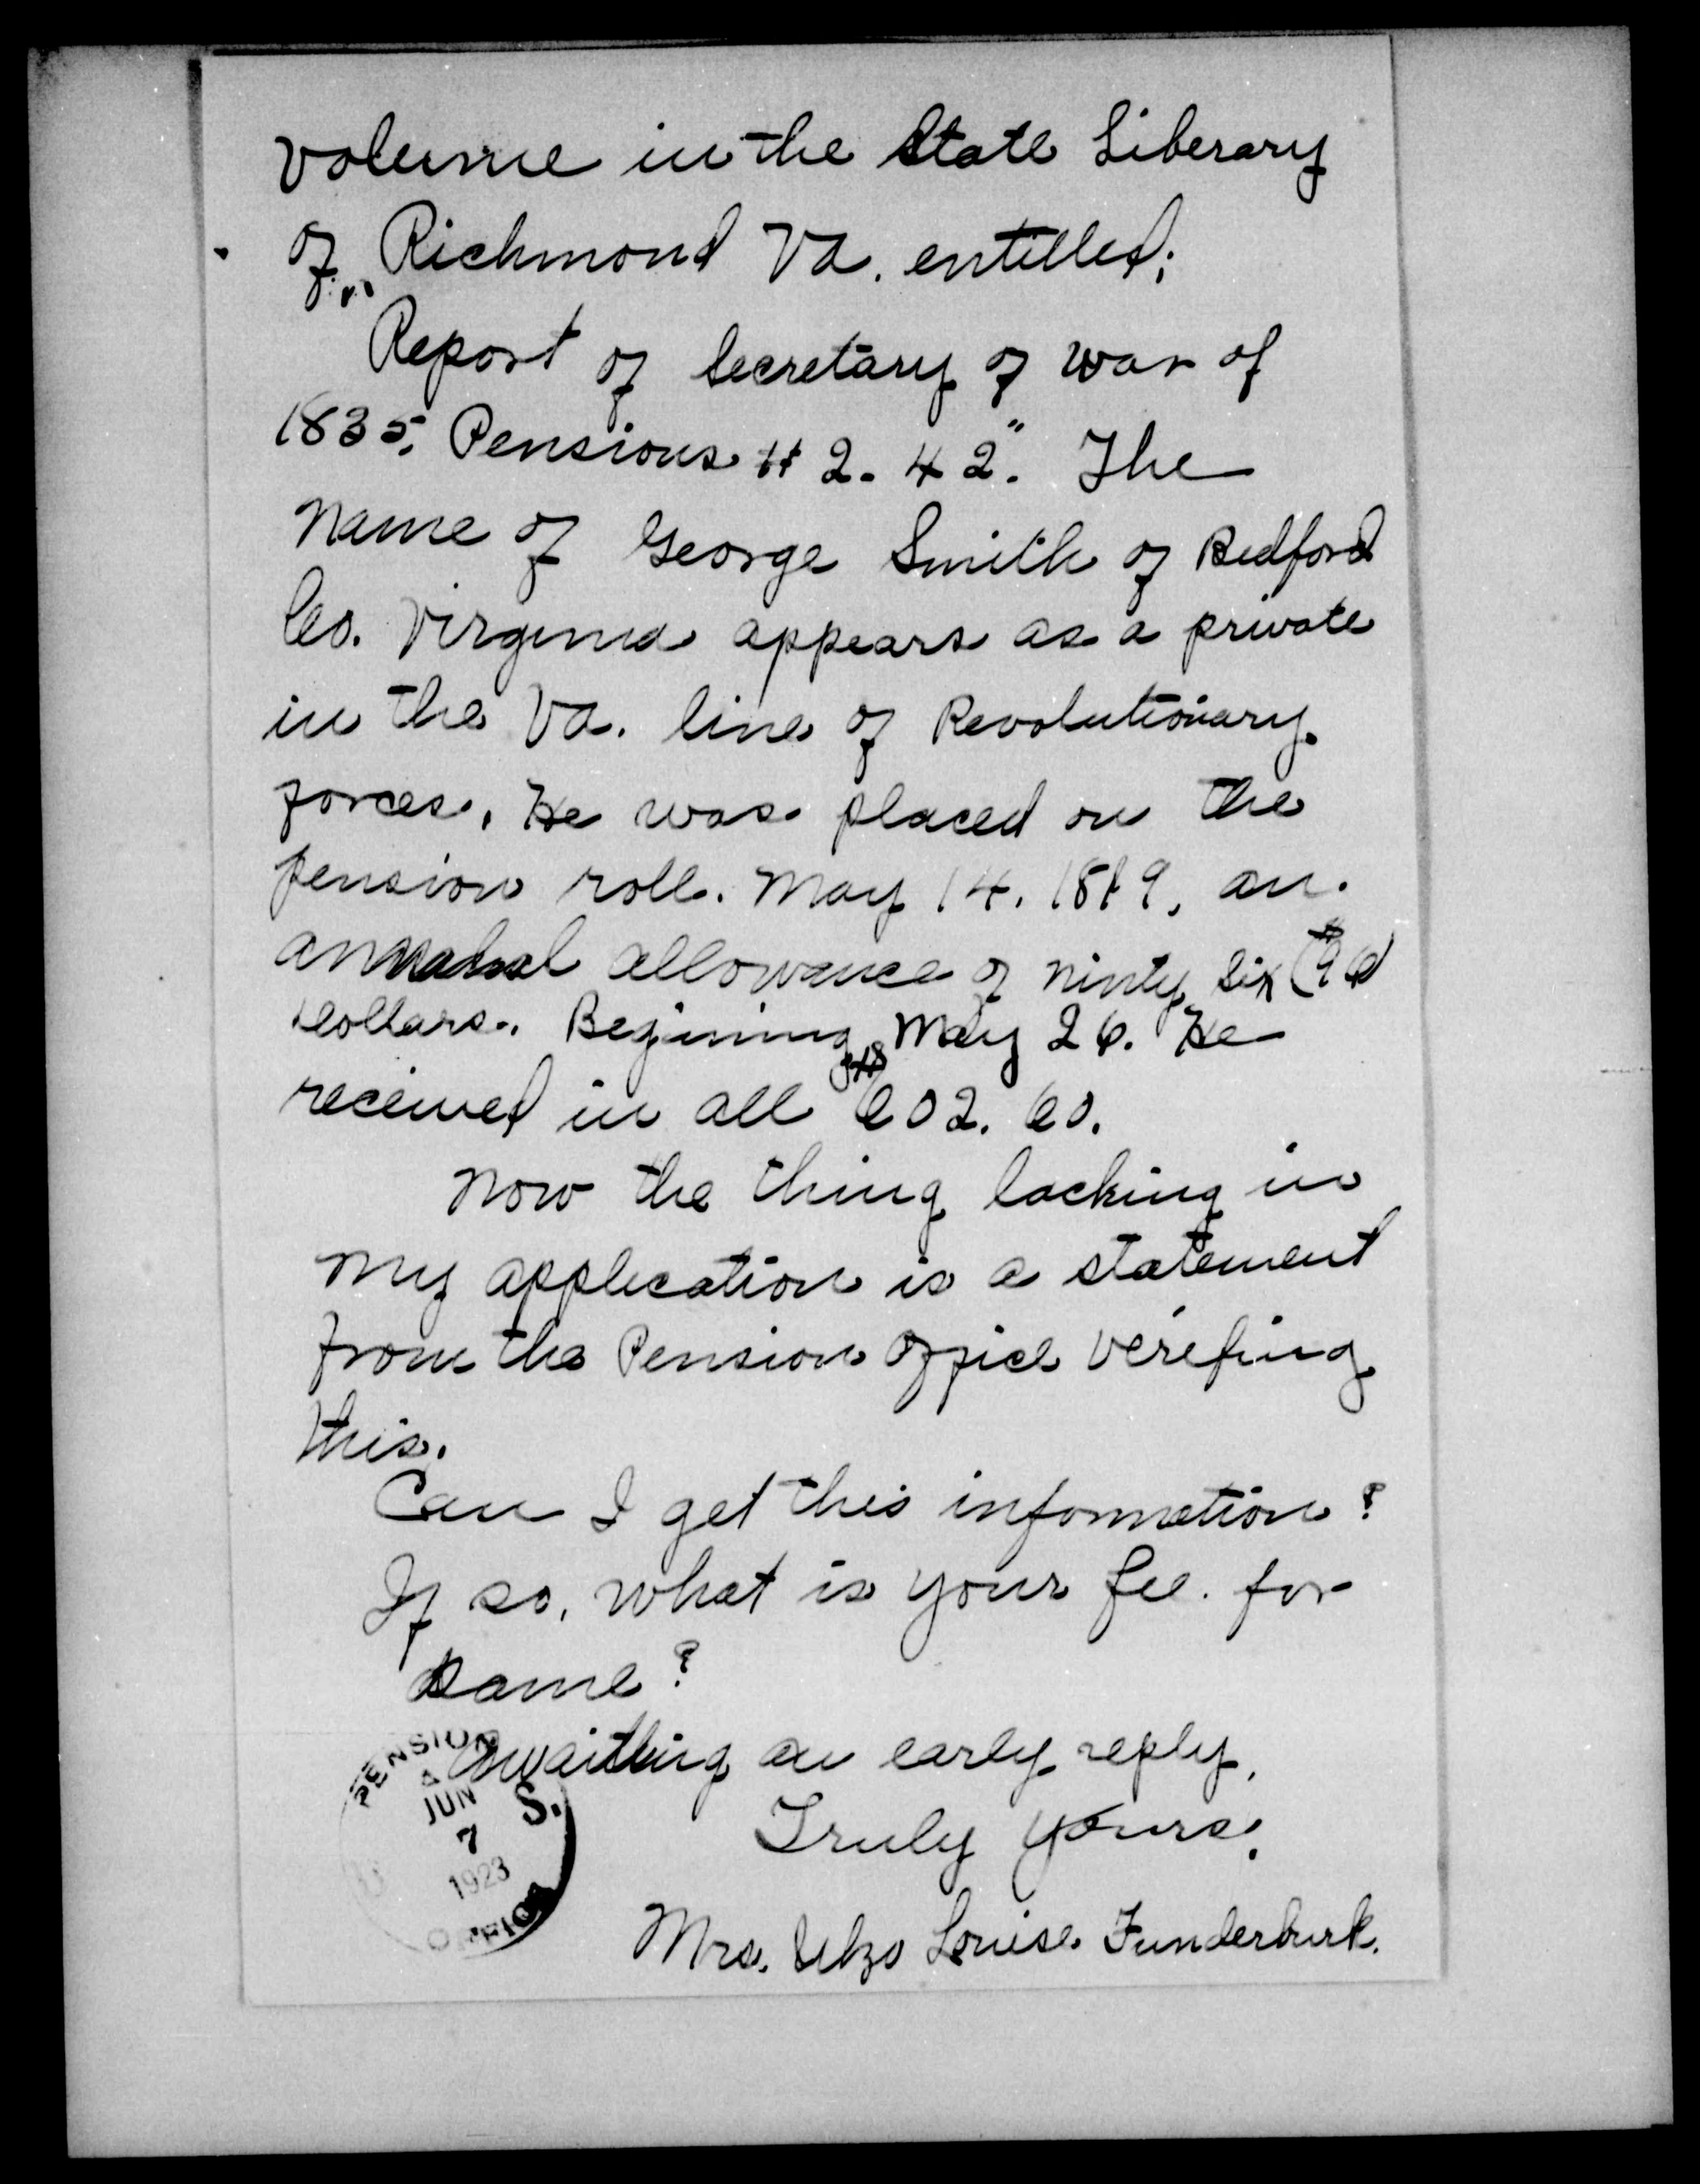volume in the State Library of Richmond Va. entitled:  Report of Secretary of war of 1835 Pensions #2.42".  The name of George Smith of Bedford Co. Virginia appears as a private in the Va. line of Revolutionary forces.  He was placed on the pension roll May 14, an annual allowance of ninty six ($96) Dollars.  Beginning May 26.  He received in all $602.60 
Now the thing lacking in my application is a statement from the Pension Office verifing this. 
Can I get this information?  If so, what is your fee for same?
Awaiting an early reply.
Truly yours,
Mrs. {illegible} Louise Funderburk 
{ink stamp}
PENSION 
A
JUN
U. 7 S.
1923 
OFFICE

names: Louise Funderburk; George Smith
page: 16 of 16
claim: survivor's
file: S. 38,386, for George Smith, Virginia